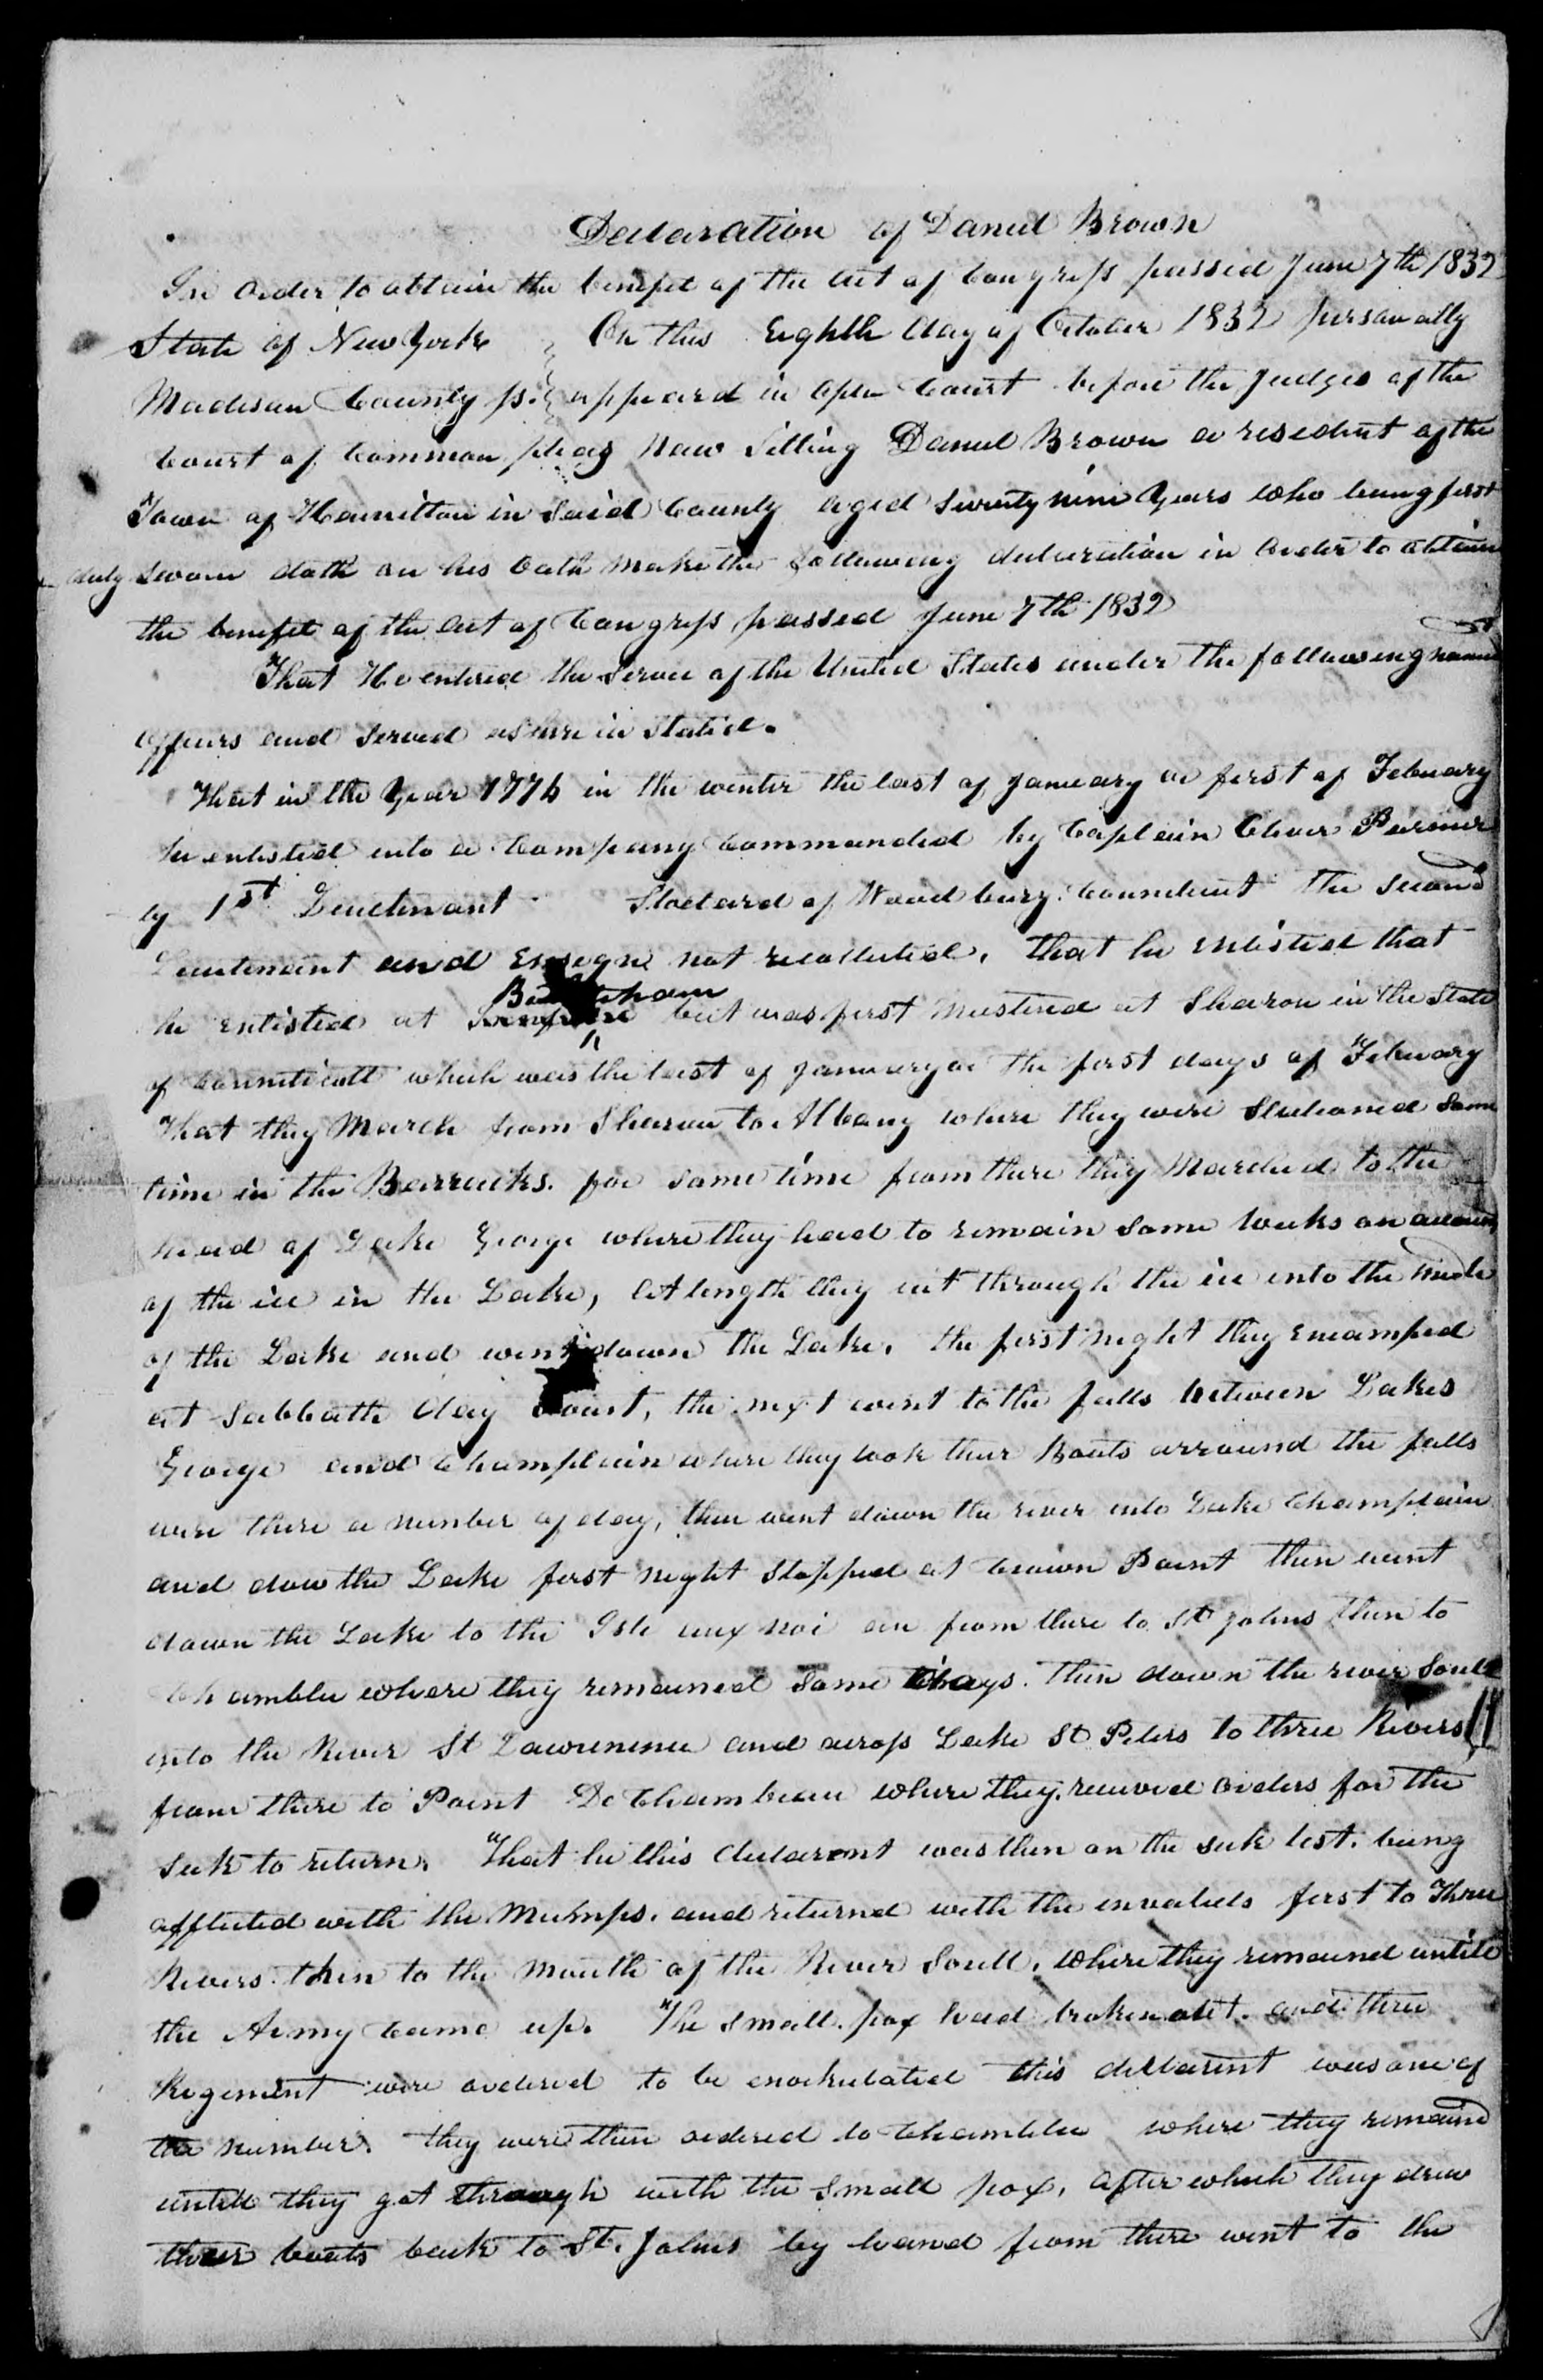Declaration of Daniel Brown

In order to obtain the benefit of the act of Congress passed June 7th 1832

State of New York 
Madison County P.

On this 8th Day of October 1832 personally appeared in the Court before the Judges of the Court of Common Pleas now sitting Daniel Brown a resident of the Town of Hamilton in Said County Aged Seventy Nine Years who living first duly sworn doth as his Oath Make the following declaration in order to obtain the benefit of the Act of Congress passed June 7th 1832

That he entered the service of the United States under the following named Officers and served [illegible] in States(?)

That in the Year 1776 in the winter the last of January or first of February he enlisted into a Company commanded by Captain Abner Pursner by 1st Lieutenant [illegible] of Woodbury Connecticut the second Lieutenant and ensign not reecollected, that he enlisted [illegible] but was first mustered at Sharon in the state of Connecticut which was the last of January and the first day of February that they march from Sl [illegible] to Allegany where they were Sl[illegible] time in the barracks for same time from there they mustered to the [illegible] Lake George where they best to remain some weeks and allow of the ice in the lake, at length they got through this ice into the mile of the lake and went over the lake, the first night they encamped at Sabbatha [illegible], the next went to the falls between Lake George [illegible] where they took their [illegible] around the falls were there a number of days, then went down the river into Lake Champlaine and [illegiblle] the lake to the Isle deux noi in from there to St [illegible] then to[illegible] where they resumed same days, then dawn the river South from there to Paint [illegible] where they received [illegible] for the afflicted with the mumps, [illegible] returned with the invalids first to Three Rivers, then to the mouth of the River Sorell, where they remained until the Army comes up. 
The smell [illegible] three regiment were then ordered to [illegible] where they remained until they got through with this small pox, after which they [illegible] their best back to St Johns by [illegible] from there went to the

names: Daniel Brown, Daniel Brown, Ebner Pursner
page: 4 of 37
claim: widow's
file: W. 20,787, Daniel Brown, Conn. Navy.